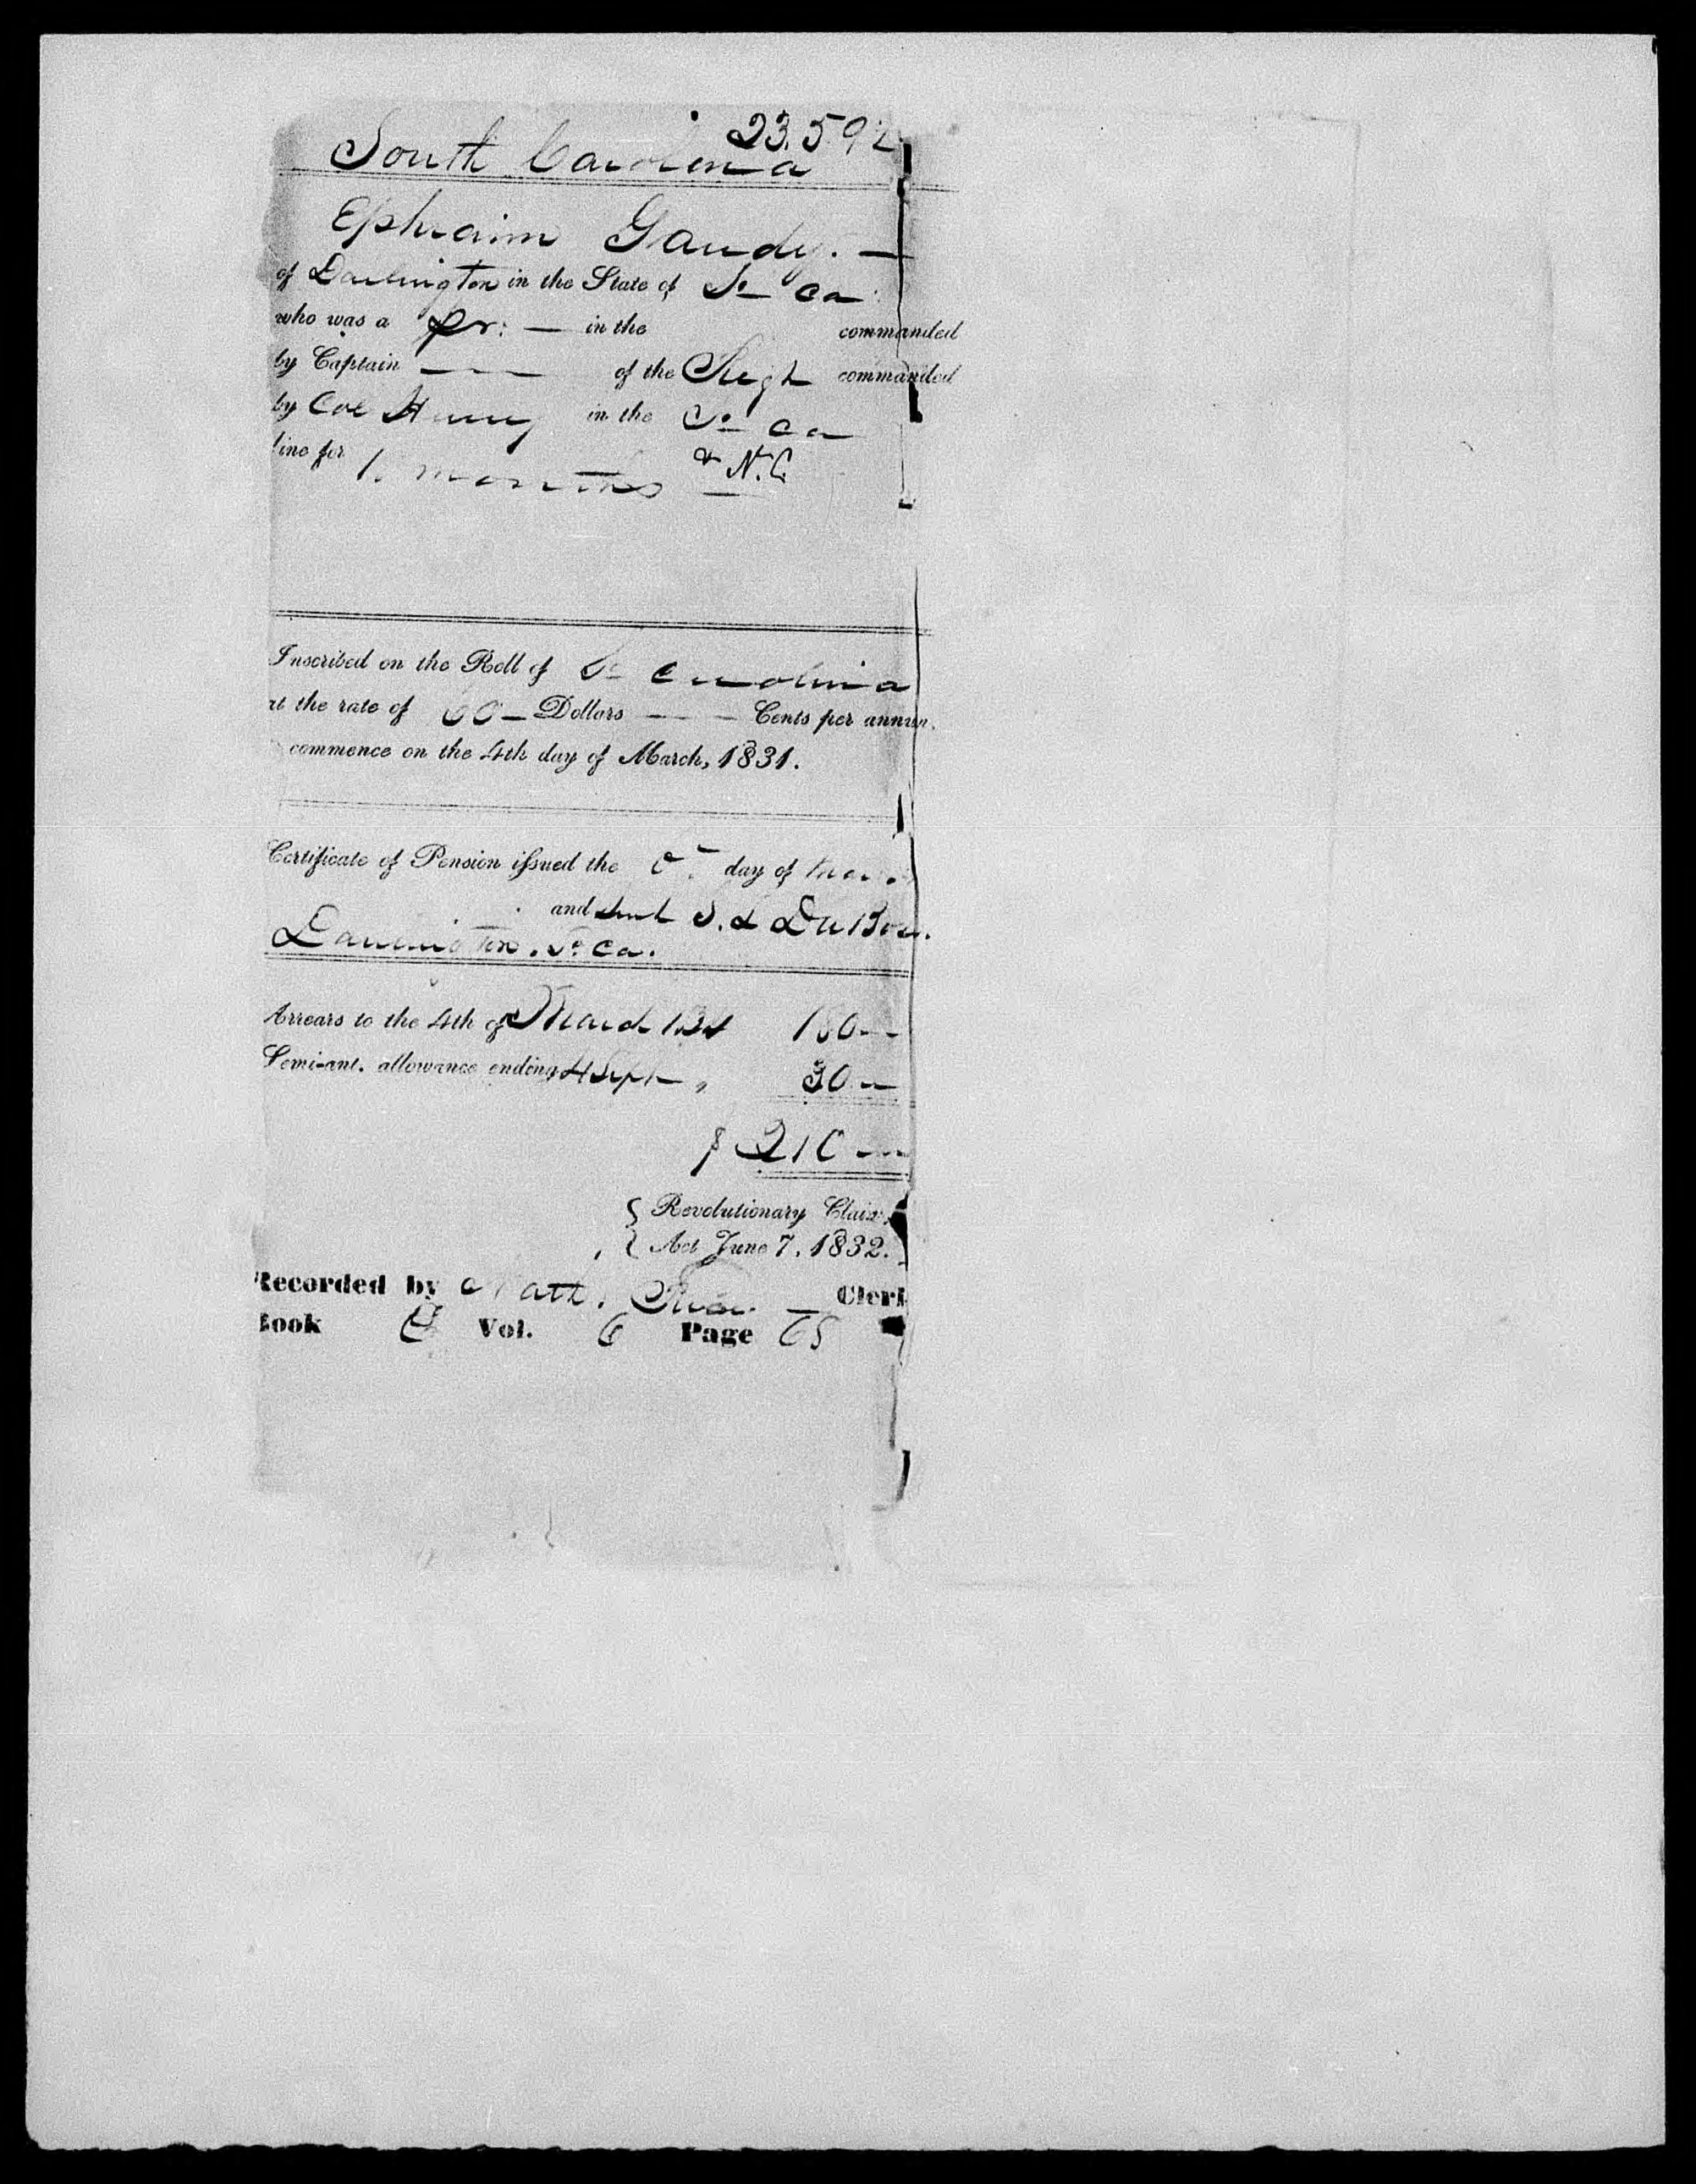South Carolina 23594

Ephraim Gaudy of Darlington on the State of So. Car. who was a pri in the _____ commanded by Captain ----- of the Regt commanded by Col. Horry iin the S.C. & N.C. line for 6 months

Inscribed on the Roll of S. Carolina at the rate of 60 dollars -- cents per annum to commence on the 4th day of March, 1831.
-
Certificate of Pension issued the 5 day of March and sent to S.L. Dubose Darlington So. Car.

Arrears to the 4thof March 1834 180.00-
Semi-anl. allowance ending $ Sep 30.00
$210.00

Revolutionary Claim
Act June 7. 1832.

Recorded by Nath. Rice Clerk
Book H Vol. 6 Page 68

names: Horry, S L Du Bose, Ephraim Gaudy, Nath Rice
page: 2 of 12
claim: survivor's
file: S. 17971, Ephraim Gaudy, N.C. S.C.